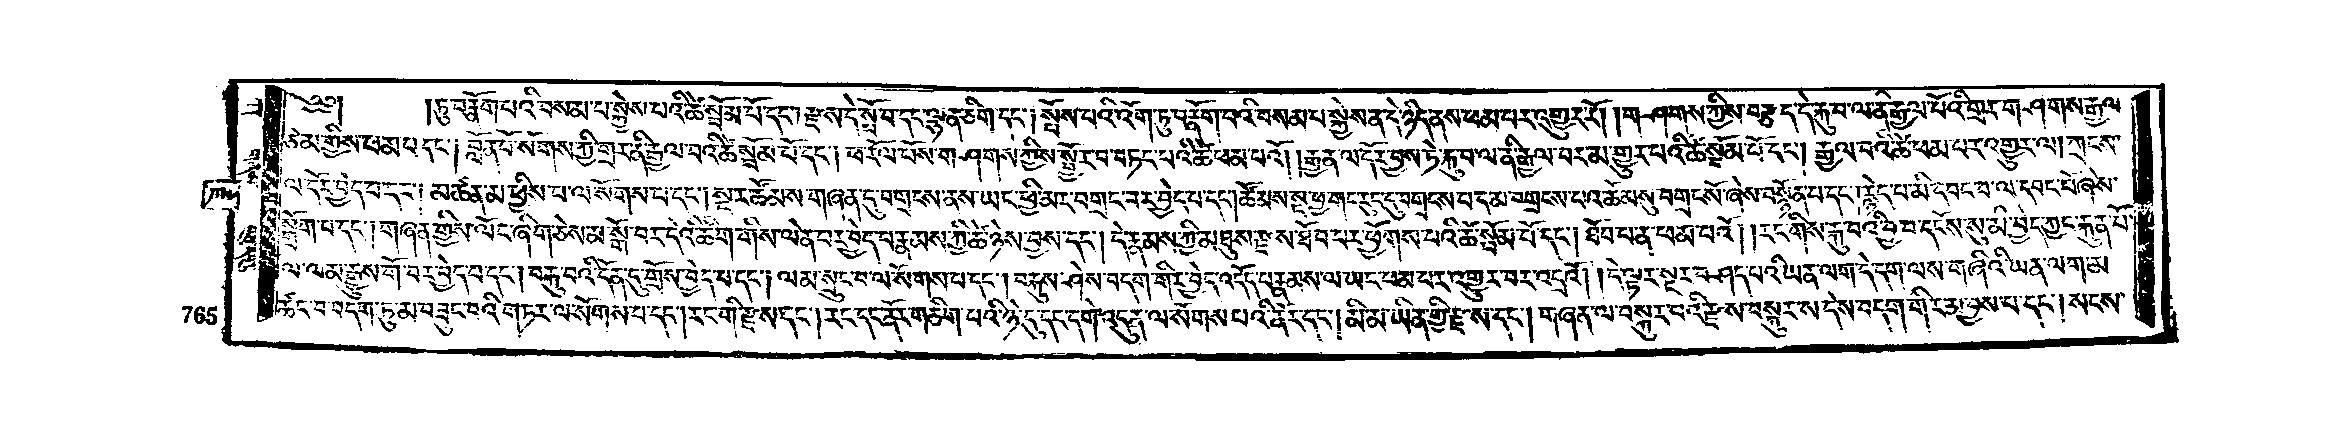༄༅། །ཏུ་བརྣོག་པའི་བསམ་པ་སྐྱེས་པའི་ཚེ་སྦོམ་པོ་དང་། རྫས་དེ་སྤོ་བ་དང་ལྷན་ཅིག་དང་། སྤོས་པའི་འོག་ཏུ་བརྣོག་པའི་བསམ་པ་སྐྱེས་ན་དེ་ཉིད་ནས་ཕམ་པར་འགྱུར་རོ། །གཤགས་ཀྱིས་བརྩད་དེ་རྐུ་བ་ལ་ནི་རྒྱལ་པོའི་གྲར་གཤགས་རྒྱལ་
ཙམ་གྱིས་ཕམ་པ་དང་། བློན་པོ་སོགས་ཀྱི་གྲར་ནི་རྒྱལ་བའི་ཚེ་སྦོམ་པོ་དང་། ཕ་རོལ་པོས་གཤགས་ཀྱིས་སྦྱོར་བ་བཏང་པའི་ཚེ་ཕམ་པའོ། །རྒྱན་ལ་དོར་བྱས་ཏེ་རྐུ་བ་ལ་ནི་རྒྱལ་བར་མ་གྱུར་པའི་ཚེ་སྡོམ་པོ་དང་། རྒྱལ་བའི་ཚེ་ཕམ་པར་འགྱུར་ལ། གྲངས་
ལ་དོར་བྱེད་པ་དང་། མཚན་མ་ཕྱིས་པ་ལ་སོགས་པ་དང་། སྔར་ཚོམས་གཞན་དུ་བགྲངས་ནས་ཡང་ཕྱི་མར་བགྲང་བར་བྱེད་པ་དང་། ཚོམས་སྔ་ཕྱ་གང་རུང་དུ་བགྲངས་པད་མ་བགྲངས་པའི་ཚོམས་སུ་བགྲངས་སོ་ཞེས་བསྙོན་པ་དང་། རྙེད་པ་མི་དབང་བ་ལ་དབང་པོ་ཞེས་
སྒྲོག་པ་དང་། གཞན་གྱིས་ལོང་ཞིག་ཅེས་མ་སྒོ་བར་དེའི་ཚིག་གིས་ལེན་པར་བྱེད་པ་རྣམས་ཀྱི་ཚེ་ཉེས་བྱས་དང་། དེ་རྣམས་ཀྱི་མཐུས་རྫས་ཐོབ་པར་ཕྱོགས་པའི་ཚེ་སྦོམ་?་པོ་དང་། ཐོབ་པ་ན་ཕམ་པའོ། །རང་གིས་རྐུ་བའི་བྱ་བ་དངོས་སུ་མི་བྱེད་ཀྱང་རྐུན་པོ་
ལ་ལམ་རྒྱུས་གོ་བར་བྱེད་པ་དང་། བརྐུ་བའི་དོན་དུ་གྲོས་བྱེད་པ་དང་། ལམ་སྲུང་བ་ལ་སོགས་པ་དང་། བརྐུས་ཤེས་བདག་གིར་བྱེད་འདོད་པ་རྣམས་ལ་ཡང་ཕམ་པར་འགྱུར་བར་འདྲའོ། །དེ་ལྟར་སྔར་བཤད་པའི་ཡན་ལག་དེ་དག་ལས་གཞིའི་ཡན་ལག་མ་
ཚང་བ་བདག་ཏུ་མ་བཟུང་བའི་གཏར་ལ་སོགས་པ་དང་། རང་གི་རྫས་དང་། རང་དང་ནོར་གཅིག་པའི་ཉེ་དུ་དང་དགེ་འདུན་ལ་སོགས་པའི་ནོར་དང་། མི་མ་ཡིན་གྱི་རྫས་དང་། གཞན་ལ་བསྐུར་བའི་རྫས་བསྐུར་ས་དེས་བདག་གིར་མ་བྱས་པ་དང་། སངས་